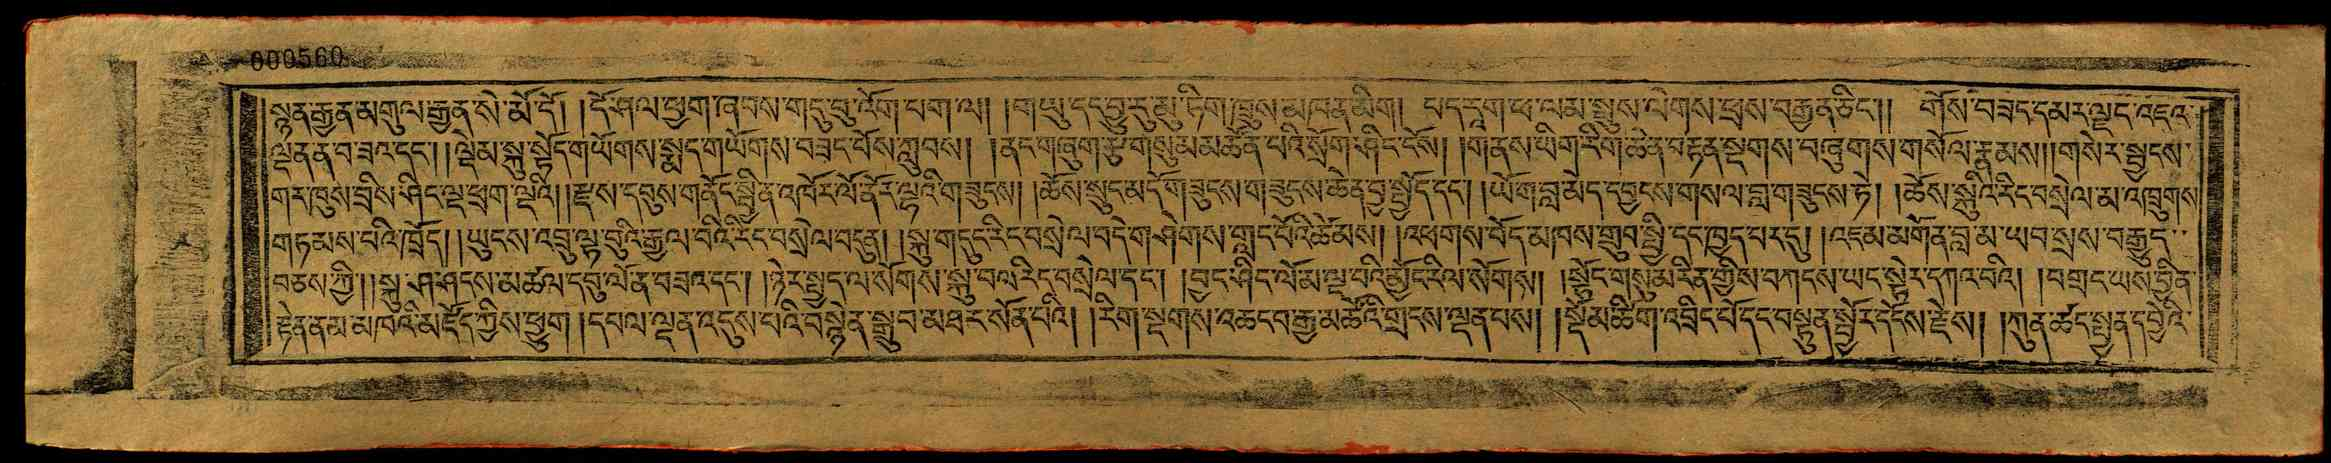སྙན་རྒྱན་མགུལ་རྒྱན་སེ་མོ་དོ། །དོ་ཤལ་ཕྱག་ཞབས་གདུ་བུ་འོག་པག་ལ། །གཡུ་དང་བྱུ་རུ་མུ་ཏིག་ཁྲུས་མཁན་མིག། པད་རཱག་ཕ་ལམ་སྤུས་ལེགས་ཕྲས་བརྒྱན་ཅིང་། གོས་བཟང་དམར་ལྗང་མདངས་
ལྡན་ན་བཟའ་དང་། །ལྡེམ་སྐུ་སྟོད་གཡོགས་སྨད་གཡོགས་བཟང་པོས་ཀླུབས། །ནང་གཞུག་རྩ་གསུམ་མཚོན་པའི་སྲོག་ཤིང་ངོས། །གནས་ཡིག་རིག་ཆེན་བརྟན་སྔགས་བཞུགས་གསོལ་རྣམས། །གསེར་སྦྱངས་
གར་ཁུས་བྲིས་ཤིང་ལྔ་ཕྲག་ལྔའི། །རྫས་དབུས་མནོད་སྦྱིན་འཁོར་ལོ་ནོར་ལྷའི་གཟུངས། །ཆོས་སྲུང་མདོ་གཟུངས་གཟུངས་ཆེན་བྱ་སྤྱོད་དང་། །ཡོ་ག་བླ་མེད་དབྱངས་གསལ་བླ་གཟུངས་ཏེ། །ཆོས་སྐུའི་རིང་བསྲེལ་མ་འཁྲུགས་
གཏམས་པའི་ཁྲོད། །ཡུངས་འབྲུ་ལྟ་བུའི་རྒྱལ་བའི་རིང་བསྲེལ་བདུན། །སྐུ་གདུང་རིང་བསྲེལ་བདེ་གཤེགས་གླང་པོའི་ཚེམས། །འཕགས་བོད་མཁས་གྲུབ་སྤྱི་དང་ཁྱད་པར་དུ། །འཇམ་མགོན་བླ་མ་ཡབ་སྲས་བརྒྱུད་
བཅས་ཀྱི། །སྐུ་ཤ་ཤངས་མཚལ་དབུ་ལོན་བཟའ་དང་། །ཉེར་སྤྱད་ལ་སོགས་སྐུ་བལ་རིང་བསྲེལ་དང་། །བྱང་ཤིང་ལོ་མ་ལྔ་པའི་མྱོང་རིལ་སོགས། །སྟོང་གསུམ་རིན་གྱིས་བཀངས་ཡང་སྟེར་དཀའ་བའི། །བགྲང་ཡས་བྱིན་
རྟེན་ནམ་མཁའི་མཛོད་ཀྱིས་ཕྱུག །དཔལ་ལྡན་འདུས་པའི་བསྙེན་སྒྲུབ་མཐར་སོན་པའི། །རིག་སྔགས་འཆང་བ་རྒྱ་མཚོའི་གྲངས་ལྡན་པས། །སྡོམ་ཚིག་འབྲིང་པོ་དང་བསྟུན་སྦྱོར་དངོས་རྗེས། །ཀུན་ཚང་སྤྱན་དབྱེའི་